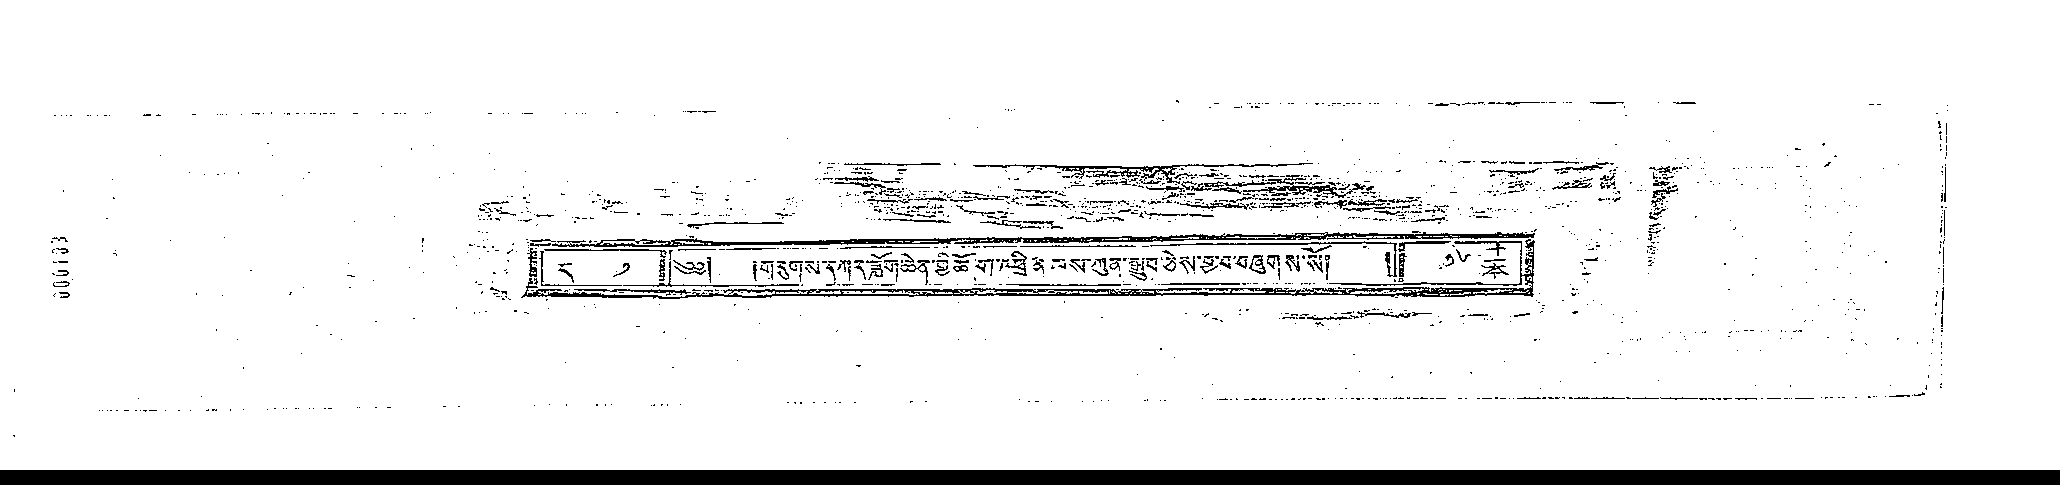ཏ༡༡?
ད ༡་༄༅། །གདུགས་དཀར་ཟློག་ཆེན་གྱི་ཆོ་ག་འཕྲིན་ལས་ཀུན་སྒྲུབ་ཅེས་བྱ་བ་བཞུགས་སོ། ། ༡༦